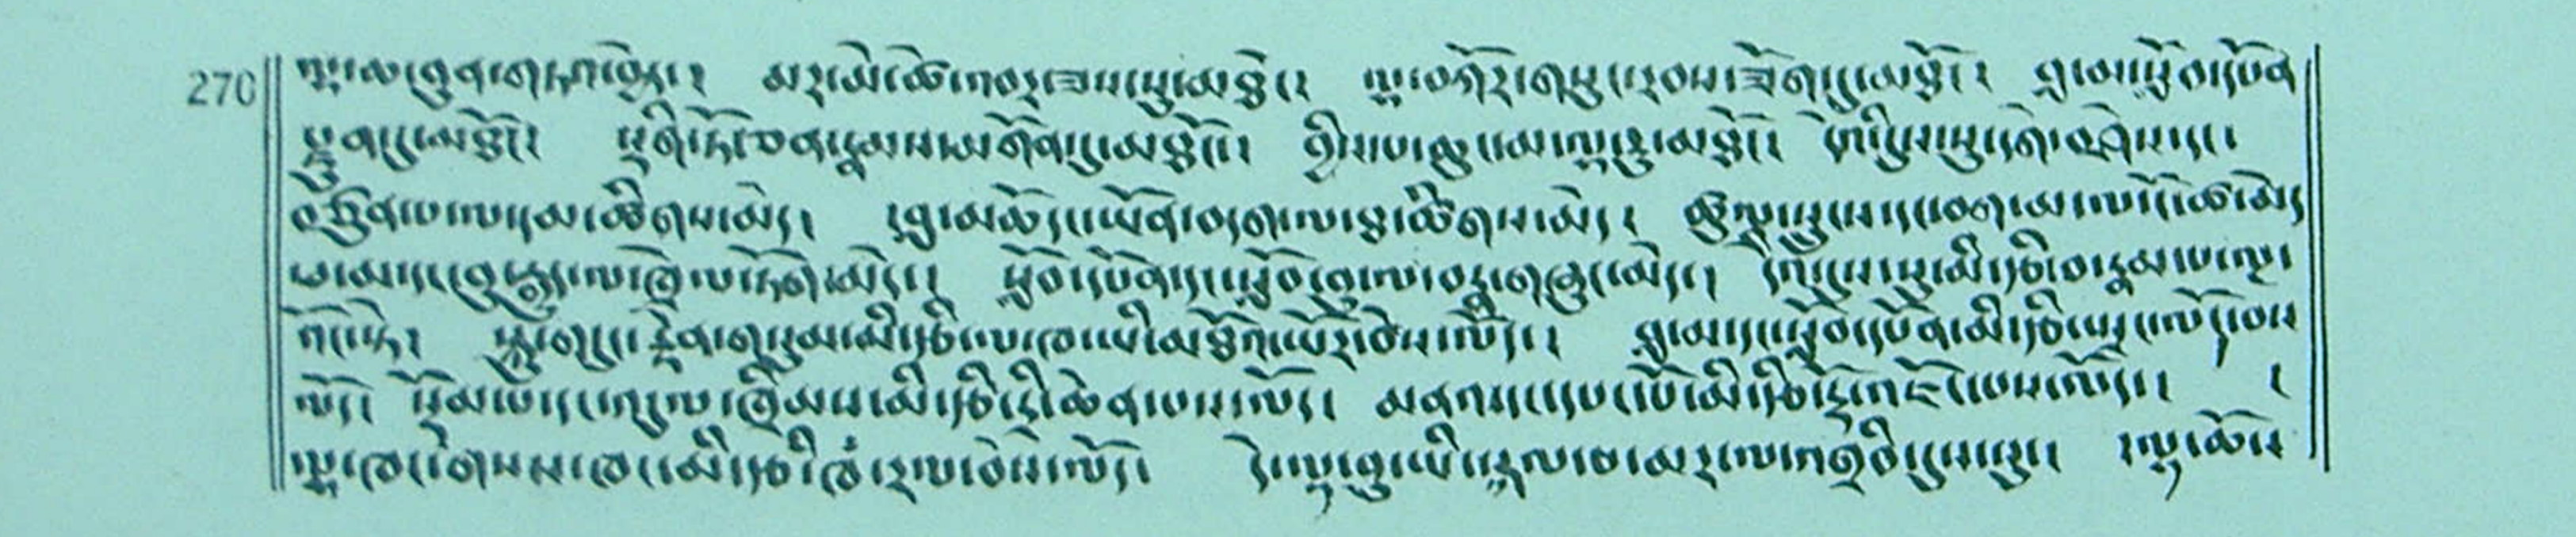ལྷ་ཆ་བུན་གཏའ་བྱེད། མར་མེ་ཚེ་འབར་ཟས་སུ་མཐོང་། ལྷ་བཀོར་གསུང་རབ་ཟོག་ཏུ་མཐོང་། བླ་མ་སློབ་དཔོན་
རྫུན་དུ་མཐོང་། སྡིག་ཏོ་ཅན་ནི་མགོན་དུ་མཐོང་། བྱིས་པ་ཆུང་མ་ལྷ་རུ་མཐོང་། དེའི་དུས་སུ་དགེ་བཤེས་དང་། 
བཙུན་པ་ལ་དམ་ཚིག་མེད། བླ་མཆོད་དང་ཡོན་བདག་ལ་ཐ་ཚིགས་མེད། ཚུལ་བསྲུངས་དང་བག་མ་ལ་ངོ་ཚ་མེད།
 ཕ་མ་དང་བུ་རྒྱུད་ལ་ཁྲེལ་ཏོག་མེད། སློབ་དཔོན་དང་སློབ་བུ་ལ་བརྣ་གཞུང་མེད། དེའི་དུས་སུ་མི་བརྩི་བ་རྣམ་པ་ལྔ་
འོང་སྟེ། སྐུ་གདུང་རྟེན་གསུམ་མི་བརྩིས་ལ་ཁ་ཡི་མཐོ་ཡོར་བས་ལོད། བླ་མ་དང་སློབ་དཔོན་མི་བརྩི་སྤྲངལོད་བས་
ལོད། སྡོམ་པ་དང་འདུལ་ཁྲིམས་མི་བརྩི་དྲིན་ཆེན་པས་ལོད། མནའ་དང་དཔང་པོ་མི་བརྩི་རྡོ་འཇོང་པས་ལོད། 
ལྷ་ཁང་གསས་ཁང་མི་བརྩི་ཁ་རལ་བས་ལོད། དེ་ལྟ་བུའི་བསྐལ་བ་མར་ལ་འགྲིབ་དུས།་སུ ལྷ་ཆོས་